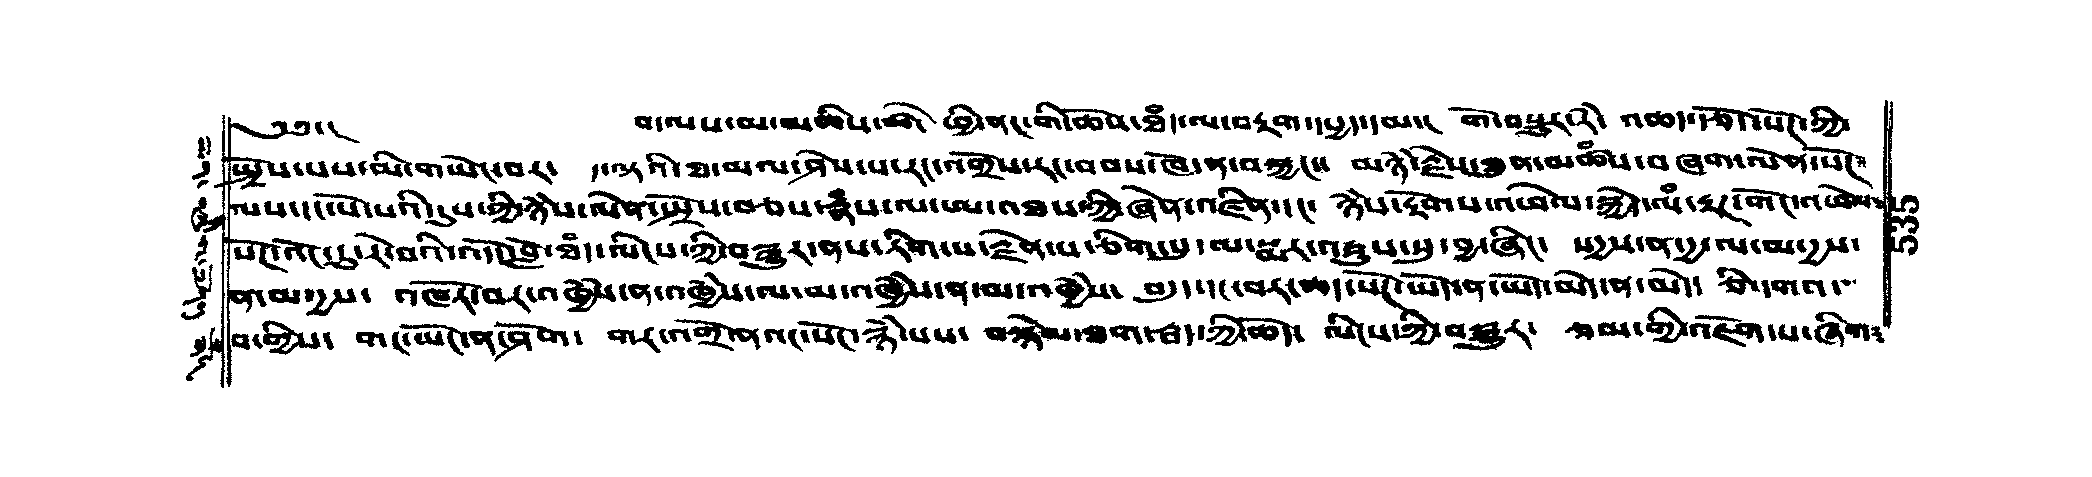བ་ལས་མ་མཆིས་ཚེ། ཕྱི་ནང་གི་ཆོས་ཐམས་ཅད་ལ་བརྟག་དཔྱད་དམ། གོ་བསྡུར་རམ། འཆད་རྩོད་སོགས་ཀྱི་
སྤྲོས་པས་མི་གཡེང་བར། ད་ལྟའི་ཐ་མལ་ཤེས་པ་རང་འགྲོས་རང་བབས་ཁོ་ན་བསྐྱངས། མཉམ་རྗེས་ཐུན་མཚམས་བཞག་ལེན་སོགས་
ལས་དང་པོ་པའི་དུས་ཀྱི་ཉམས་ལེན་སྤྲོས་བཅས་རྣམས་ལ་ཨ་འཐས་ཀྱི་ཞེན་འཛིན་དང་། ཉམས་རྟོགས་འཕེལ་བསྐྱེད། ལམ་རྟགས་གོང་འཕེལ་
སོགས་འོང་དུ་རེ་བའི་འདོད་བློ་ཐམས་ཅད་ལིངས་ཀྱི་བསྐྱུར་ནས་རིག་པ་རྗེན་པ་གཅིག་པུ་ལ་དམ་འཇུས་སུ་བྱ་ཞིང་། སངས་རྒྱས་ན་རྒྱས་ལ་མ་རྒྱས་
ན་མ་རྒྱས། འཁོར་བར་འཁྱམས་ན་འཁྱམས་ལ་མ་འཁྱམས་ན་མ་འཁྱམས། བདུད་དང་བར་ཆད་སོགས་ཡོད་ན་ཡོད་མེད་ན་མེད། ཅི་དགའ་
བ་གྱིས། གང་ཡོང་ན་ཤོག གར་འགྲོ་ནའང་སོང་སྙམ་པས། བསྙེམས་ཐག་རྦད་ཀྱི་ཆོད། ལིངས་ཀྱི་བསྐྱུར། ཅམ་གྱི་འཇོག་པ་ཞིག་